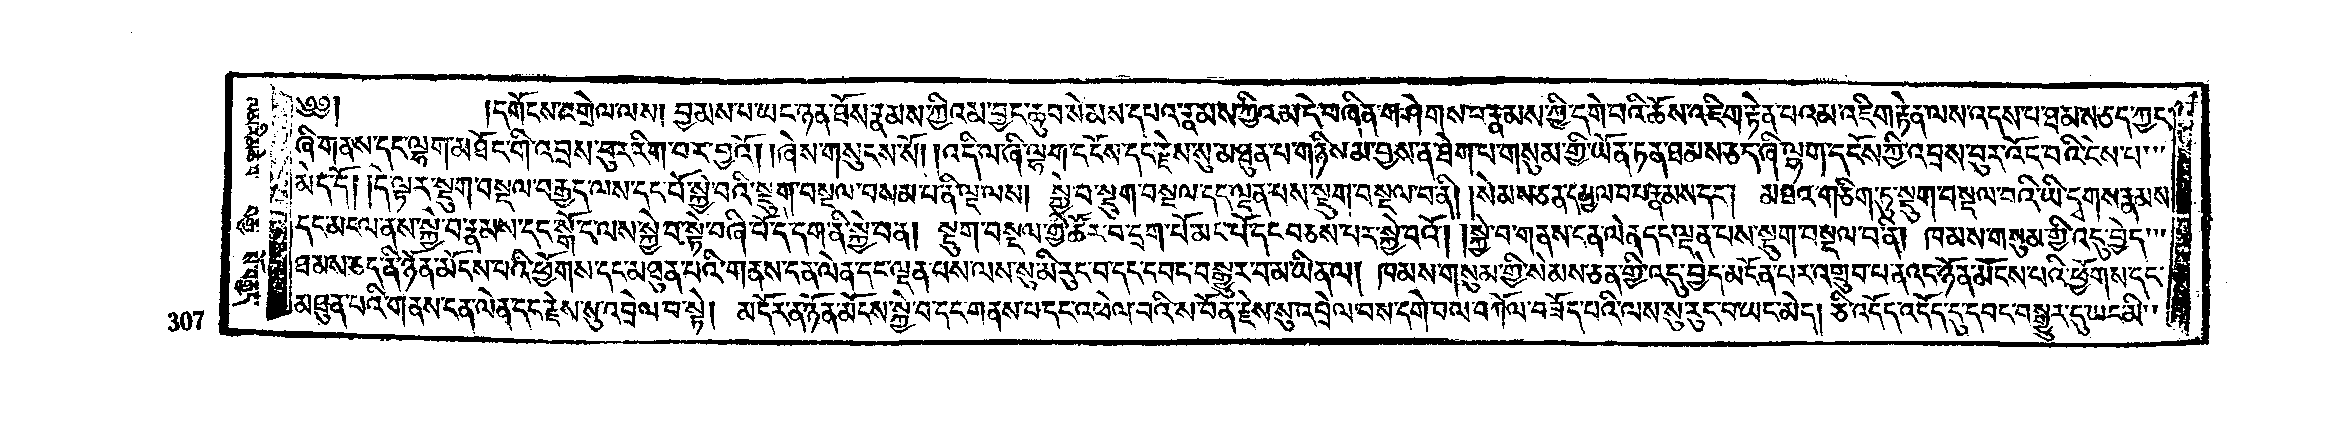༄༅། །དགོངས་འགྲེལ་ལས། བྱམས་པ་ཡང་ཉན་ཐོས་རྣམས་ཀྱིའམ་བྱང་ཆུབ་སེམས་དཔའ་རྣམས་ཀྱིའམ་དེ་བཞིན་གཤེགས་པ་རྣམས་ཀྱི་དགེ་བའི་ཆོས་འཇིག་རྟེན་པའམ་འཇིག་རྟེན་ལས་འདས་པ་ཐམས་ཅད་ཀྱང་
ཞི་གནས་དང་ལྷག་མཐོང་གི་འབྲས་བུར་རིག་པར་བྱའོ། །ཞེས་གསུངས་སོ། །འདི་ལ་ཞི་ལྷག་དངོས་དང་རྗེས་སུ་མཐུན་པ་གཉིས་མ་བྱས་ན་ཐེག་པ་གསུམ་གྱི་ཡོན་ཏན་ཐམས་ཅད་ཞི་ལྷག་དངོས་ཀྱི་འབྲས་བུར་འོང་བའི་ངེས་པ་
མེད་དོ། །དེ་ལྟར་སྡུག་བསྔལ་བརྒྱད་ལས་དང་པོ་སྐྱེ་བའི་སྡུག་བསྔལ་བསམ་པ་ནི་ལྔ་ལས། སྐྱེ་བ་སྡུག་བསྔལ་དང་ལྡན་པས་སྡུག་བསྔལ་བ་ནི། །སེམས་ཅན་དམྱལ་བ་པ་རྣམས་དང་། མཐའ་གཅིག་ཏུ་སྡུག་བསྔལ་བའི་ཡི་དྭགས་རྣམས་
དང་མངལ་ནས་སྐྱེ་བ་རྣམས་དང་སྒོ་ང་ལས་སྐྱེ་བ་སྟེ་བཞི་པོ་དེ་དག་ནི་སྐྱེ་བ་ན། སྡུག་བསྔལ་གྱི་ཚོར་བ་དྲག་པོ་མང་པོ་དང་བཅས་པར་སྐྱེ་བའོ། །སྐྱེ་བ་གནས་ངན་ལེན་དང་ལྡན་པས་སྡུག་བསྔལ་བ་ནི། ཁམས་གསུམ་གྱི་འདུ་བྱེད་
ཐམས་ཅད་ནི་ཉོན་མོངས་པའི་ཕྱོགས་དང་མཐུན་པའི་གནས་ངན་ལེན་དང་ལྡན་པས་ལས་སུ་མི་རུང་བ་དང་དབང་བསྒྱུར་བ་མ་ཡིན་ལ། ཁམས་གསུམ་གྱི་སེམས་ཅན་གྱི་འདུ་བྱེད་མངོན་པར་འགྲུབ་པ་ནའང་ཉོན་མོངས་པའི་ཕྱོགས་དང་
མཐུན་པའི་གནས་ངན་ལེན་དང་རྗེས་སུ་འབྲེལ་བ་སྟེ། མདོར་ན་ཉོན་མོངས་སྐྱེ་བ་དང་གནས་པ་དང་འཕེལ་བའི་ས་བོན་རྗེས་སུ་འབྲེལ་བས་དགེ་བ་ལ་བཀོལ་བཟོད་པའི་ལས་སུ་རུང་བ་ཡང་མེད། ཅི་འདོད་འདོད་དུ་དབང་བསྒྱུར་དུ་ཡང་མི་